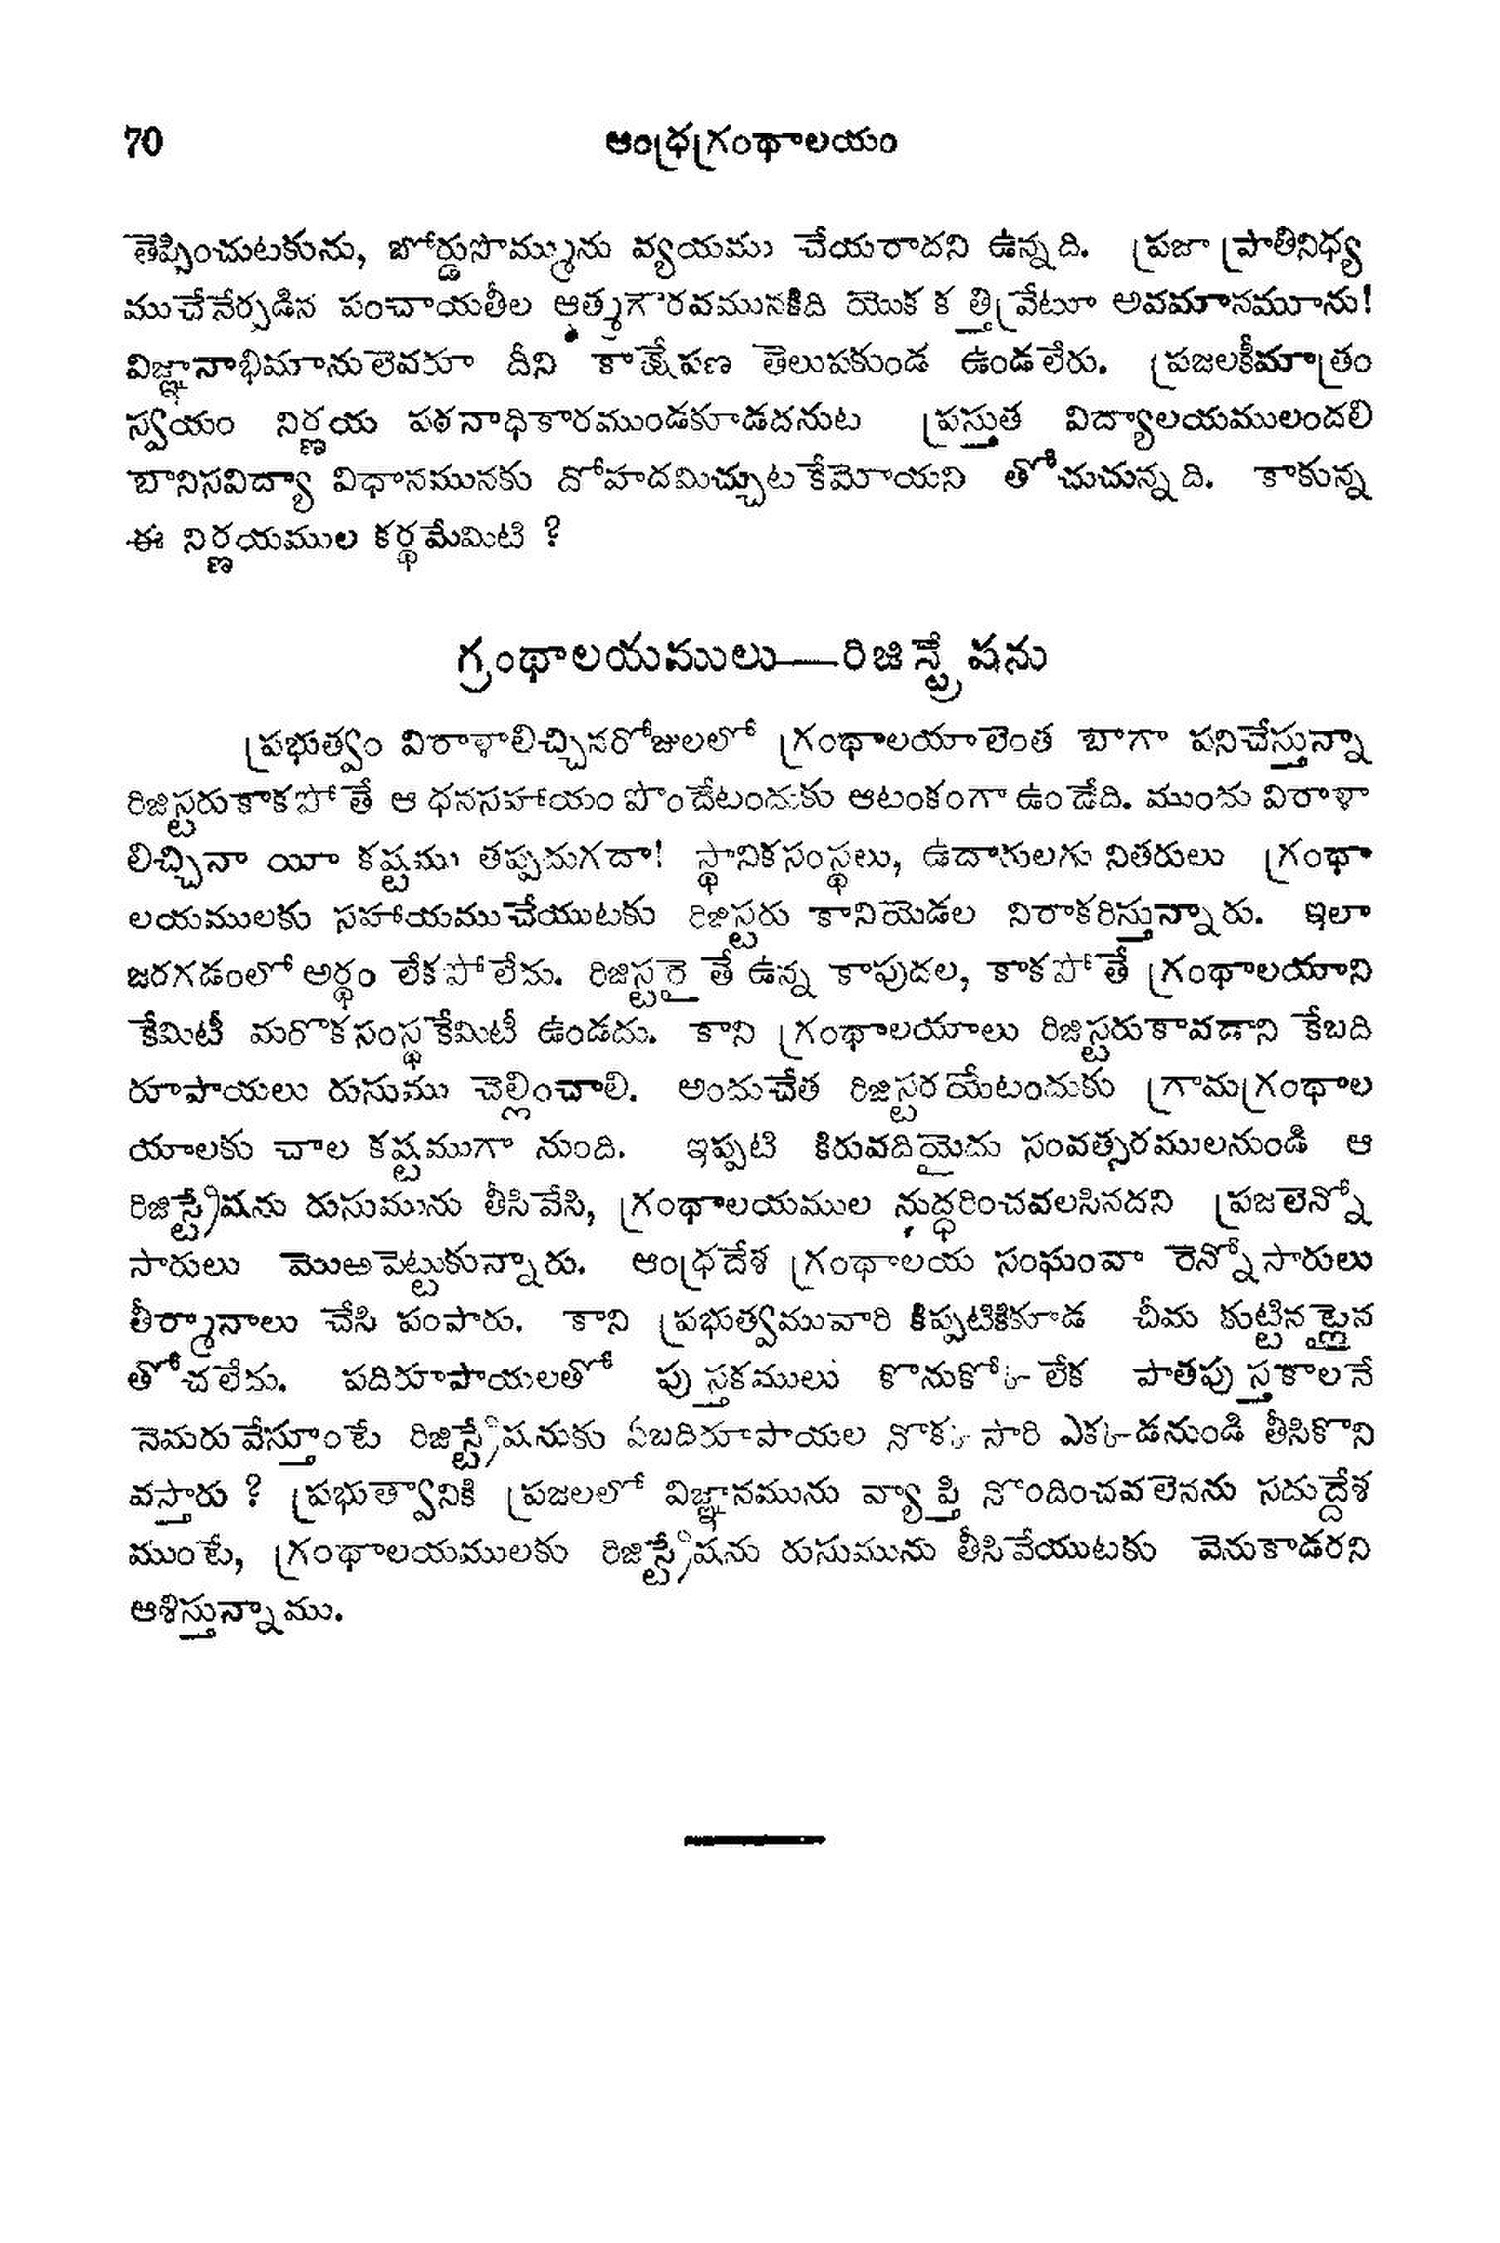తెప్పించుటకును, బోర్డుసొమ్మును వ్యయము చేయరాదని ఉన్నది. ప్రజాప్రాతినిధ్యముచే నేర్పడిన పంచాయతీల ఆత్మగౌరవమునకిది యొక కత్తివేటూ అవమానమూను!
జ్ఞానాభిమానులెవరూ దీని కాక్షేపణ తెలుపకుండ ఉండలేరు. ప్రజలకీమాత్రం స్వయం నిర్ణయ పఠనాధికారముండకూడదనుట ప్రస్తుత విద్యాలయములందలి బానిసవిద్యా విధానమునకు దోహదమిచ్చుటకేమోయని తోచుచున్నది. కాకున్న ఈ నిర్ణయముల 
కర్థమేమిటి ?

ప్రభుత్వం విరాళాలిచ్చినరోజులలో గ్రంథాలయాలెంత బాగా పనిచేస్తున్నా రిజిస్టరు కాకపోతే ఆ ధనసహాయం పొందేటందుకు ఆటంకంగా ఉండేది. ముందు విరాళా లిచ్చినా యీ కష్టము తప్పదుగదా! స్థానిక సంస్థలు, ఉదారులగు నితరులు గ్రంథాలయములకు సహాయము చేయుటకు రిజిస్టరు కానియెడల నిరాకరిస్తున్నారు. ఇలా జరగడంలో అర్థం లేకపోలేదు. రిజిస్టరైతే ఉన్న కాపుదల, కాకపోతే గ్రంథాలయాని కేమిటీ మరొక సంస్థ కేమిటీ ఉండదు. కాని గ్రంథాలయాలు రిజిస్టరుకావడాని కేబది రూపాయలు రుసుము చెల్లించాలి. అందుచేత రిజిస్టరయేటందుకు గ్రామ గ్రంథాలయాలకు చాల కష్టముగా నుంది. ఇప్పటి కిరువదియైదు సంవత్సరములనుండి ఆ రిజిస్ట్రేషను రుసుమును తీసివేసి, గ్రంథాలయముల నుద్ధరించవలసినదని ప్రజలెన్నోసారులు మొఱపెట్టుకున్నారు. ఆంధ్రదేశ గ్రంథాలయ సంఘంవారెన్నో సారులు తీర్మానాలు చేసి పంపారు. కాని ప్రభుత్వము వారి కిప్పటికికూడ చీమ కుట్టినట్లేన తోచలేదు. పదిరూపాయలతో పుస్తకములు కొనుక్కోలేక పాతపుస్తకాలనే
నెమరు వేస్తూంటే రిజిస్ట్రేషనుకు ఏబదిరూపాయలు నొక్క సారి ఎక్కడనుండి తీసికొని
వస్తారు? ప్రభుత్వానికి ప్రజలలో విజ్ఞానమును వ్యాప్తి నొందించవలెనను సదుద్దేశముంటే, గ్రంథాలయములకు రిజిస్ట్రేషను రుసుమును తీసివేయుటకు వెనుకాడరని ఆశీస్తున్నాము.